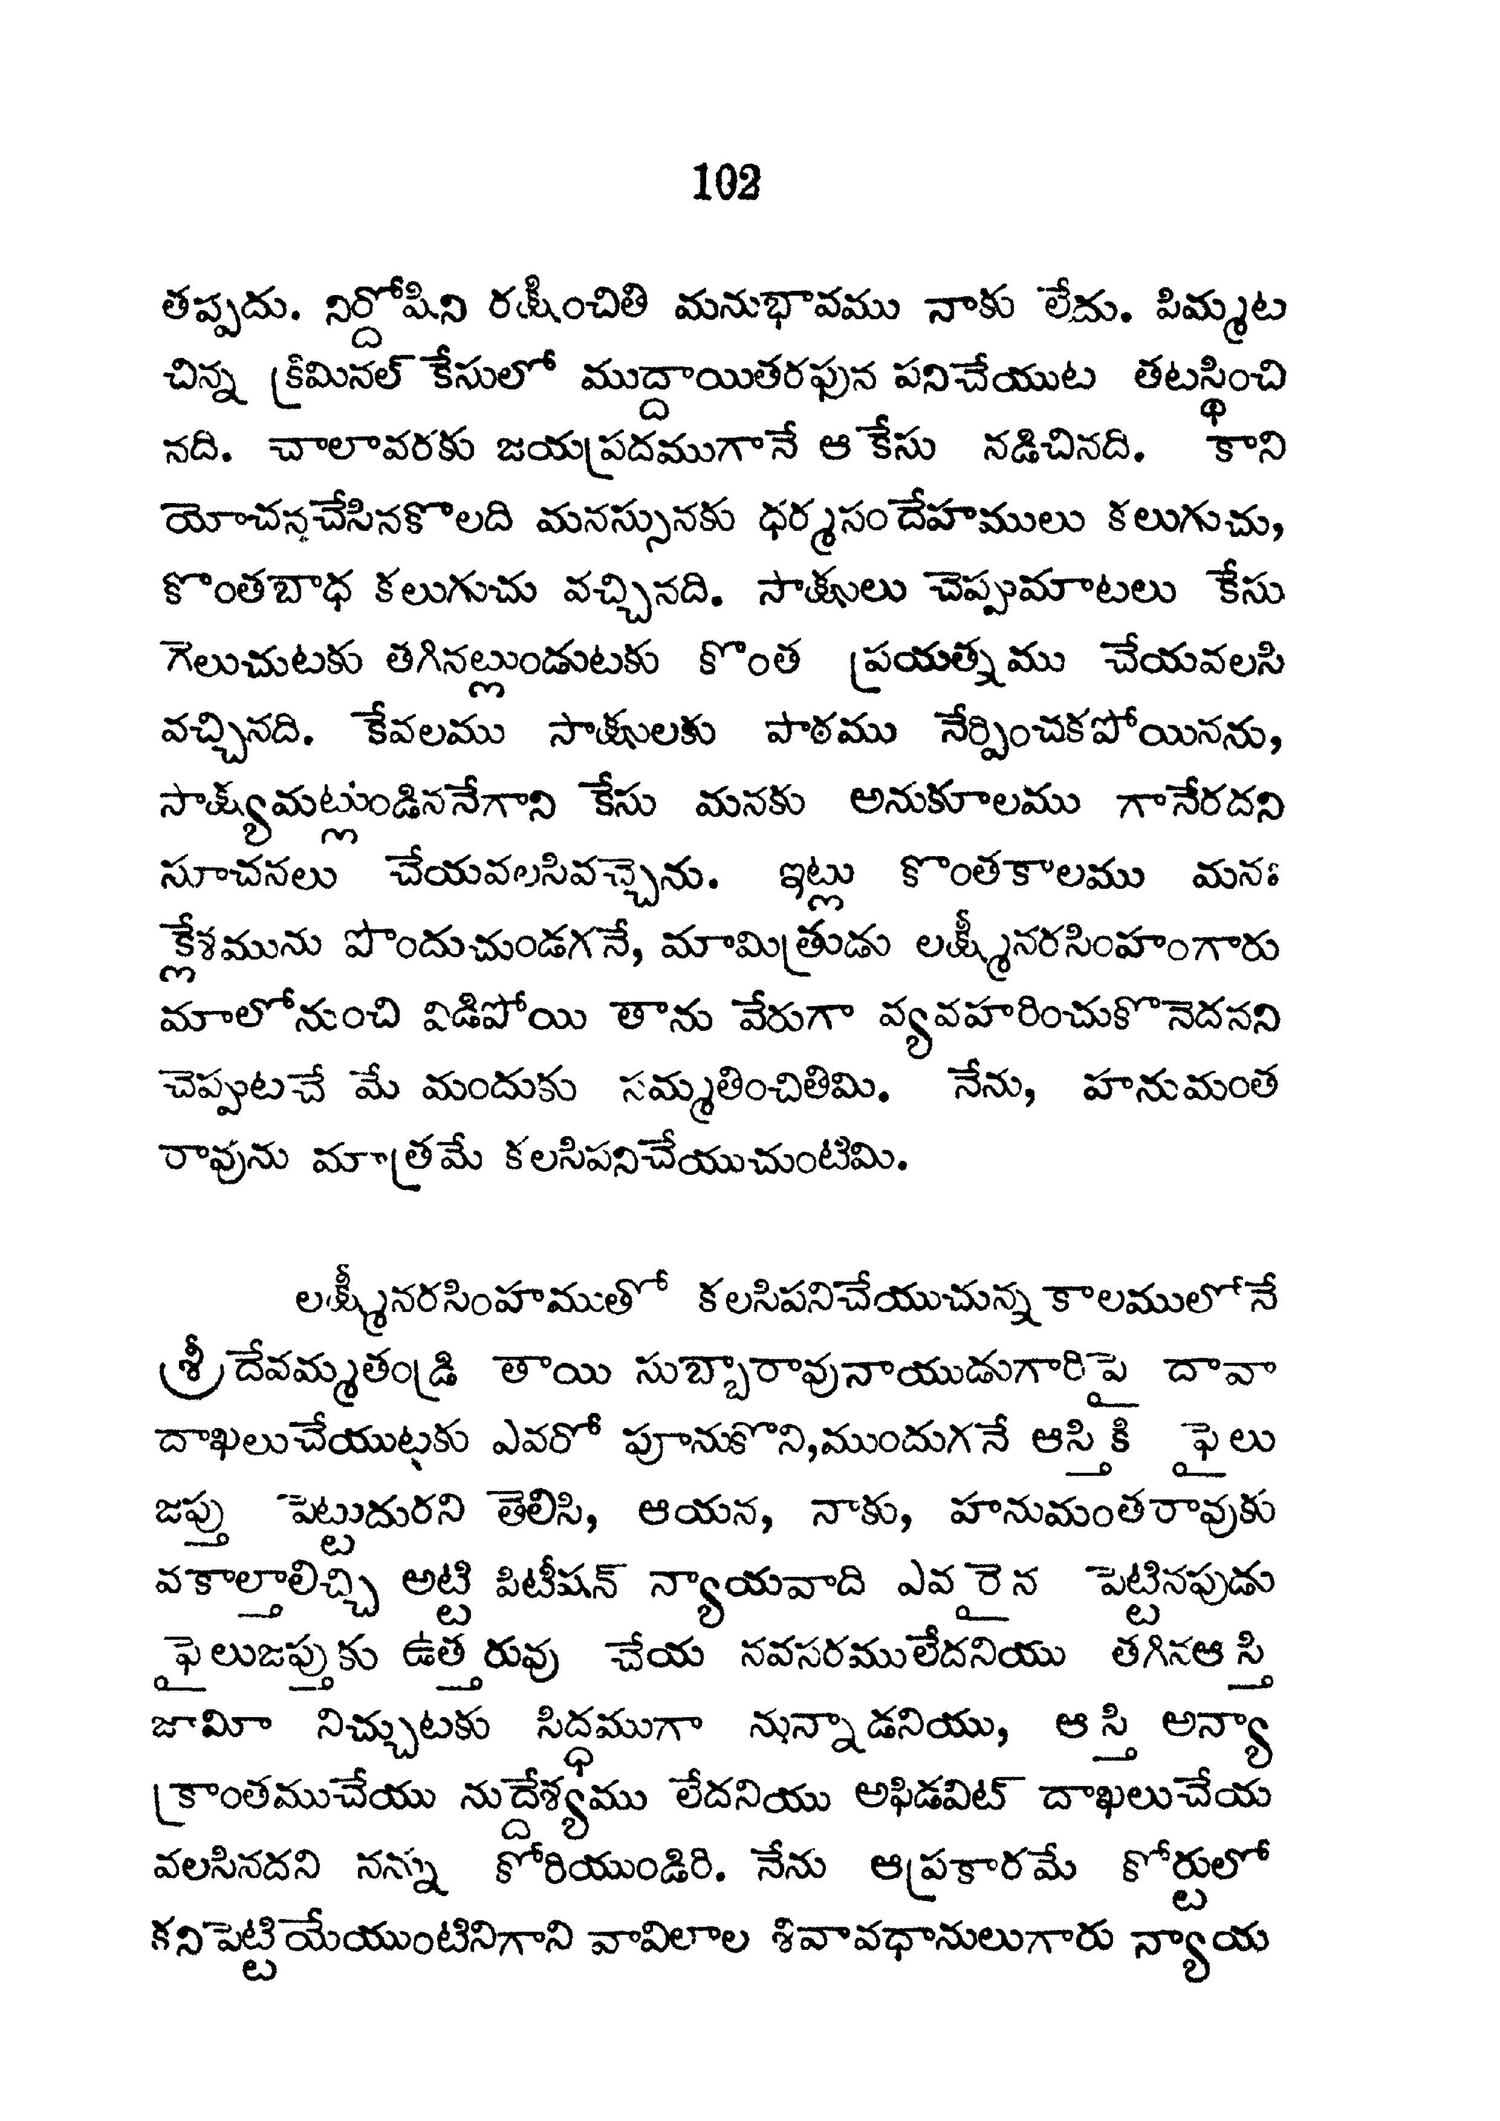తప్పదు. నిర్దోషిని రక్షించితి మనుభావము నాకు లేదు. పిమ్మట చిన్న క్రిమినల్‌కేసులో ముద్దాయితరపున పనిచేయుట తటస్థించినది. చాలావరకు జయప్రదముగానే ఆ కేసు నడిచినది. కాని యోచనచేసినకొలది మనస్సునకు ధర్మసందేహములు కలుగుచు, కొంతబాధ కలుగుచు వచ్చినది. సాక్షులు చెప్పుమాటలు కేసు గెలుచుటకు తగినట్లుండుటకు కొంత ప్రయత్నము చేయవలసి వచ్చినది. కేవలము సాక్షులకు పాఠము నేర్పించకపోయినను, సాక్ష్యమట్లుండిననేగాని కేసు మనకు అనుకూలము గానేరదని సూచనలు చేయవలసివచ్చెను. ఇట్లు కొంతకాలము మన:క్లేశమును పొందుచుండగనే, మామిత్రుడు లక్ష్మీనరసింహంగారు మాలోనుంచి విడిపోయి తాను వేరుగా వ్యవహరించుకొనెదనని చెప్పుటచే మే మందుకు సమ్మతించితిమి. నేను, హనుమంతరావును మాత్రమే కలసిపనిచేయుచుంటిమి.

లక్ష్మీనరసింహముతో కలసిపనిచేయుచున్న కాలములోనే శ్రీదేవమ్మతండ్రి తాయి సుబ్బారావునాయుడుగారిపై దావా దాఖలుచేయుటకు ఎవరో పూనుకొని, ముందుగనే ఆస్తికి ఫైలు జప్తు పెట్టుదురని తెలిసి, ఆయన, నాకు, హనుమంతురావుకు వకాల్తాలిచ్చి అట్టి పిటీషన్ న్యాయవాది ఎవరైన పెట్టినపుడు ఫైలుజప్తుకు ఉత్తరువు చేయ నవసరములేదనియు తగినఆస్తి జామీ నిచ్చుటకు సిద్ధముగా నున్నాడనియు, ఆస్తి అన్యాక్రాంతముచేయు నుద్దేశ్యము లేదనియు అఫిడివిట్ దాఖలుచేయ వలసినదని నన్ను కోరియుండిరి. నేను ఆప్రకారమే కోర్టులో కనిపెట్టియేయుంటినిగాని వావిలాల శివావధానులుగారు న్యాయ